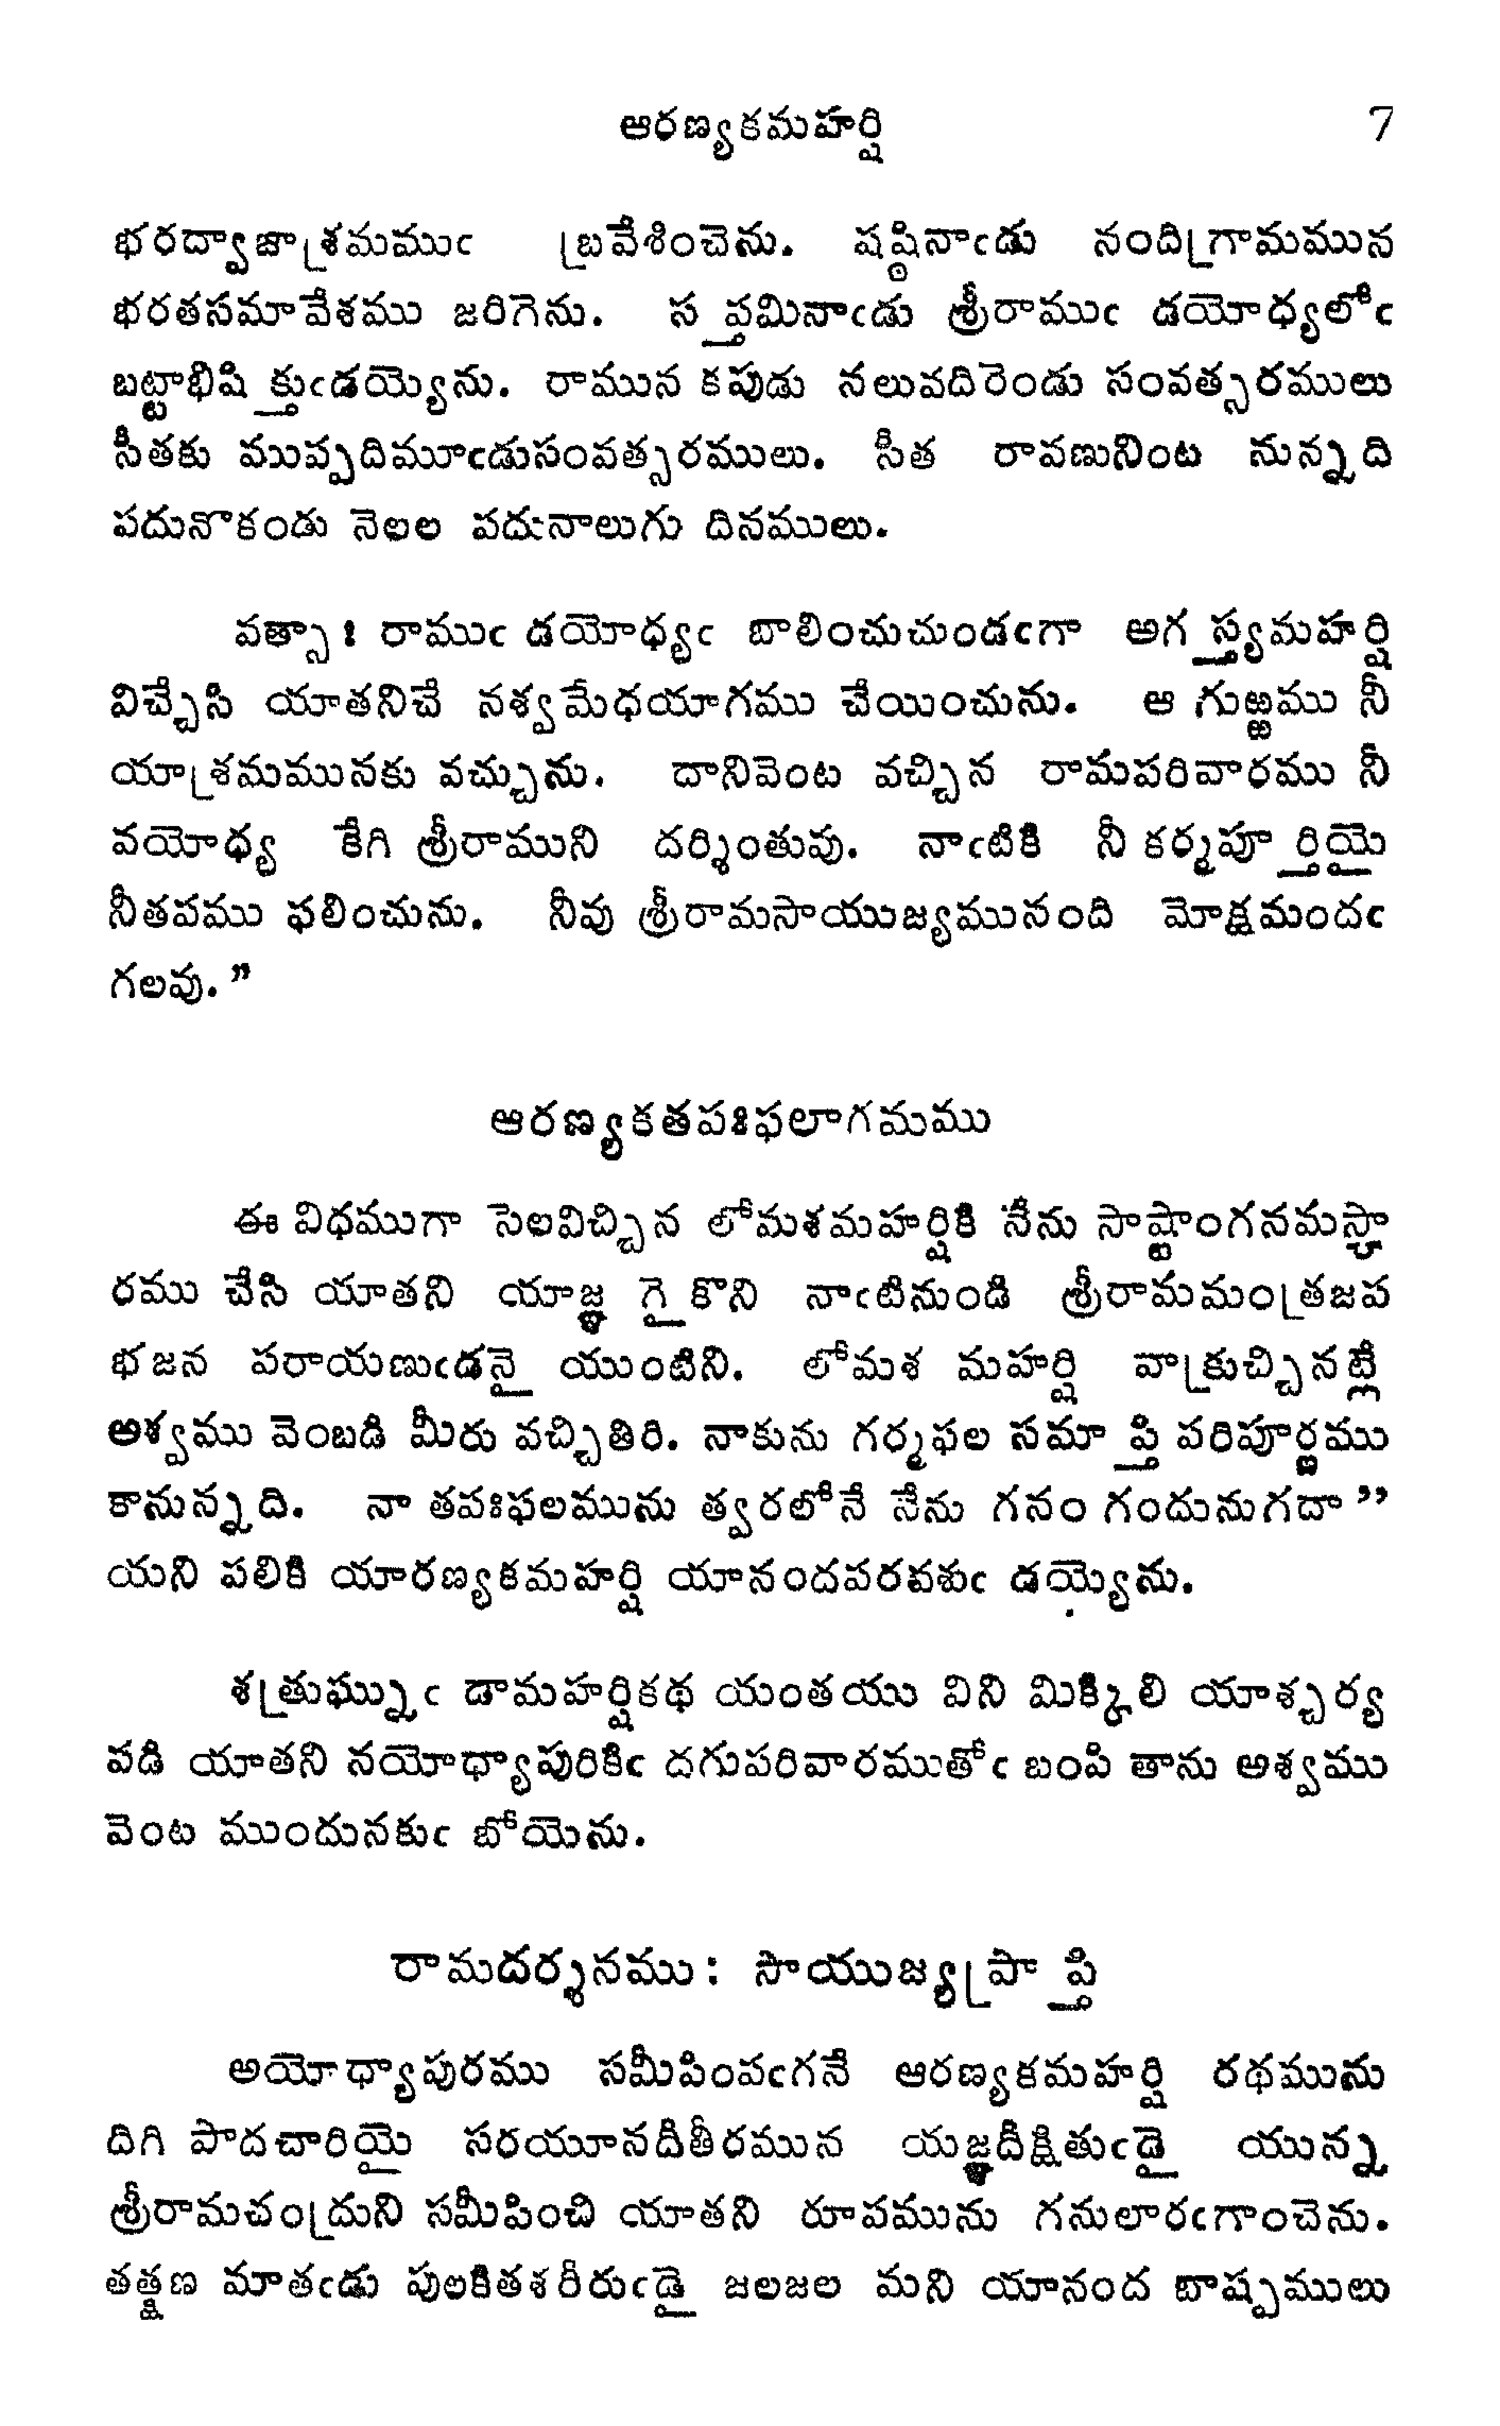భరద్వాజాశ్రమము బ్రవేశించెను. షష్ఠినాడు నందిగ్రామమున భరతసమావేశము జరిగెను. సప్తమినాడు శ్రీరాము డయోధ్యలో బట్టాభిషిక్తుడయ్యెను. రాముని కపుడు నలువదిరెండు సంవత్సరములు సీతకు ముప్పదిమూడు సంవత్సరములు. సీత రావణునింట నున్నది పదునొకండు నెలల పదునాలుగు దినములు. 

వత్సా ! రాము డయోధ్య బాలించుచుండగా అగస్త్యమహర్షి విచ్చేసి యాతనిచే నశ్వమేధయాగము చేయించును. ఆ గుర్రము నీ యాశ్రమమునకు వచ్చును. దానివెంట వచ్చిన రామపరివారము నీ వయోధ్య కేగి శ్రీరాముని దర్శింతువు. నాటికి నీ కర్మపూర్తియై నీ తపము ఫలించును. నీవు శ్రీరామసాయుజ్యమునంది మోక్షమంద గలవు."

ఈవిధముగా సెలవిచ్చిన లోమశమహర్షికి నేను సాష్టాంగనమస్కారము చేసి యాతని యాజ్ఞ గైకొని నాటినుండి శ్రీరామమంత్రజప భజన పరాయణుడనై యుంటిని. లోమశ మహర్షి వాక్రుచ్చినట్లే అశ్వము వెంబడి మీరు వచ్చితిరి. నాకును గర్మఫల సమాప్తి పరిపూర్ణము కానున్నది. నా తపఃఫలమును త్వరలోనే నేను గనం గందునుగదా " యని పలికి యారణ్యకమహర్షి యానందపరవశు డయ్యెను.

శత్రుఘ్ను డామహర్షికథ యంతయు విని మిక్కిలి యాశ్చర్యపడి యాతని నయోధ్యాపురికి దగుపరివారముతో బంపి తాను అశ్వము వెంట ముందునకు బోయెను.

అయోధ్యాపురము సమీపింపగనే ఆరణ్యకమహర్షి రథమును దిగి పాదచారియై సరయూనదీతీరమున యజ్ఞదీక్షితుడై యున్న శ్రీరామచంద్రుని సమీపించి యాతని రూపమును గనులార గాంచెను. తత్క్షణ మాతడు పులకితశరీరుడై జలజల మని యానంద బాష్పములు